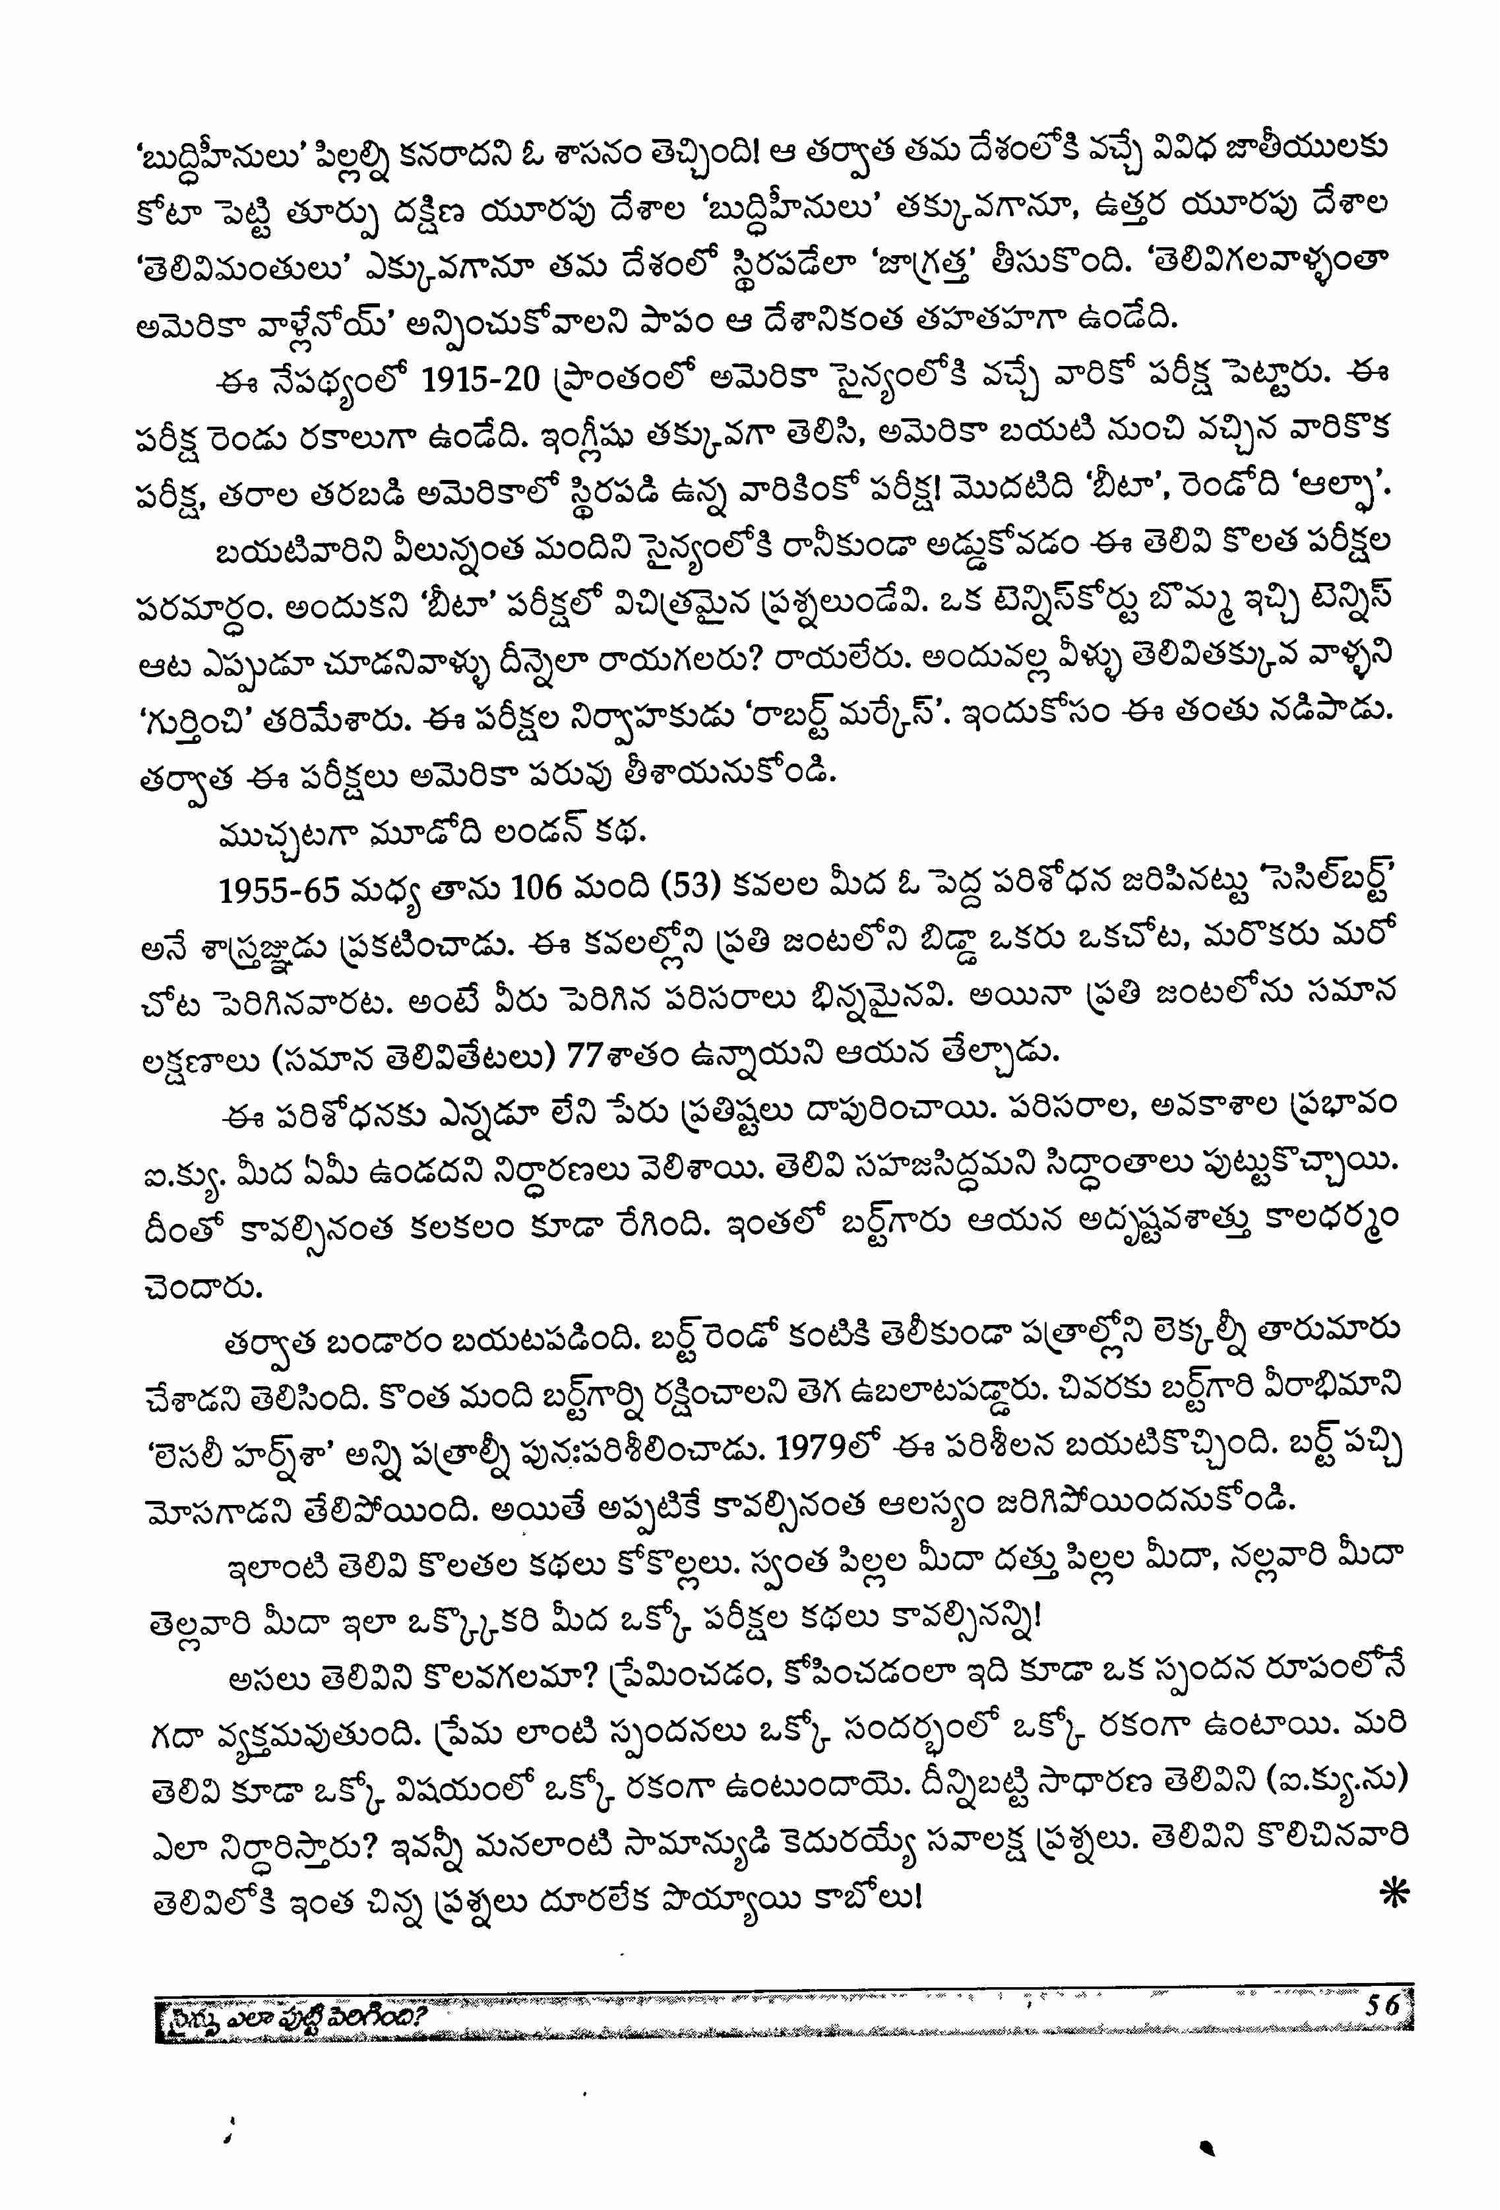‘బుద్ధిహీనులు' పిల్లల్ని కనరాదని ఓ శాసనం తెచ్చింది! ఆ తర్వాత తమ దేశంలోకి వచ్చే వివిధ జాతీయులకు కోటా పెట్టి తూర్పు దక్షిణ యూరపు దేశాల 'బుద్ధిహీనులు' తక్కువగానూ, ఉత్తర యూరపు దేశాల 'తెలివిమంతులు' ఎక్కువగానూ తమ దేశంలో స్థిరపడేలా 'జాగ్రత్త' తీసుకొంది. 'తెలివిగలవాళ్ళంతా అమెరికా వాళ్లేనోయ్' అన్పించుకోవాలని పాపం ఆ దేశానికంత తహతహగా ఉండేది.

ఈ నేపథ్యంలో 1915-20 ప్రాంతంలో అమెరికా సైన్యంలోకి వచ్చే వారికో పరీక్ష పెట్టారు. ఈ పరీక్ష రెండు రకాలుగా ఉండేది. ఇంగ్లీషు తక్కువగా తెలిసి, అమెరికా బయటి నుంచి వచ్చిన వారికొక పరీక్ష, తరాల తరబడి అమెరికాలో స్థిరపడి ఉన్న వారికింకో పరీక్ష! మొదటిది 'బీటా', రెండోది 'ఆల్ఫా'.

బయటివారిని వీలున్నంత మందిని సైన్యంలోకి రానీకుండా అడ్డుకోవడం ఈ తెలివి కొలత పరీక్షల పరమార్ధం. అందుకని 'బీటా' పరీక్షలో విచిత్రమైన ప్రశ్నలుండేవి. ఒక టెన్నిస్‌కోర్టు బొమ్మ ఇచ్చి టెన్నిస్ ఆట ఎప్పుడూ చూడనివాళ్ళు దీన్నెలా రాయగలరు? రాయలేరు. అందువల్ల వీళ్ళు తెలివితక్కువ వాళ్ళని ‘గుర్తించి' తరిమేశారు. ఈ పరీక్షల నిర్వాహకుడు 'రాబర్ట్ మర్కేస్'. ఇందుకోసం ఈ తంతు నడిపాడు. తర్వాత ఈ పరీక్షలు అమెరికా పరువు తీశాయనుకోండి.

ముచ్చటగా మూడోది లండన్ కథ.

1955-65 మధ్య తాను 106 మంది (53) కవలల మీద ఓ పెద్ద పరిశోధన జరిపినట్టు 'సెసిల్‌బర్ట్' అనే శాస్త్రజ్ఞుడు ప్రకటించాడు. ఈ కవలల్లోని ప్రతి జంటలోని బిడ్డా ఒకరు ఒకచోట, మరొకరు మరోచోట పెరిగినవారట. అంటే వీరు పెరిగిన పరిసరాలు భిన్నమైనవి. అయినా ప్రతి జంటలోను సమాన లక్షణాలు (సమాన తెలివితేటలు) 77 శాతం ఉన్నాయని ఆయన తేల్చాడు.

ఈ పరిశోధనకు ఎన్నడూ లేని పేరు ప్రతిష్టలు దాపురించాయి. పరిసరాల, అవకాశాల ప్రభావం ఐ.క్యు. మీద ఏమీ ఉండదని నిర్ధారణలు వెలిశాయి. తెలివి సహజసిద్ధమని సిద్ధాంతాలు పుట్టుకొచ్చాయి. దీంతో కావల్సినంత కలకలం కూడా రేగింది. ఇంతలో బర్ట్‌గారు ఆయన అదృష్టవశాత్తు కాలధర్మం చెందారు.

తర్వాత బండారం బయటపడింది. బర్ట్‌రెండో కంటికి తెలీకుండా పత్రాల్లోని లెక్కల్నీ తారుమారు చేశాడని తెలిసింది. కొంత మంది బర్ట్‌గార్ని రక్షించాలని తెగ ఉబలాటపడ్డారు. చివరకు బర్ట్‌గారి వీరాభిమాని 'లెసలీ హర్న్‌శా' అన్ని పత్రాల్నీ పునఃపరిశీలించాడు. 1979లో ఈ పరిశీలన బయటికొచ్చింది. బర్ట్ పచ్చి మోసగాడని తేలిపోయింది. అయితే అప్పటికే కావల్సినంత ఆలస్యం జరిగిపోయిందనుకోండి.

ఇలాంటి తెలివి కొలతల కథలు కోకొల్లలు. స్వంత పిల్లల మీదా దత్తు పిల్లల మీదా, నల్లవారి మీదా తెల్లవారి మీదా ఇలా ఒక్క్కొకరి మీద ఒక్కో పరీక్షల కథలు కావల్సినన్ని!

అసలు తెలివిని కొలవగలమా? ప్రేమించడం, కోపించడంలా ఇది కూడా ఒక స్పందన రూపంలోనే గదా వ్యక్తమవుతుంది. ప్రేమ లాంటి స్పందనలు ఒక్కో సందర్భంలో ఒక్కో రకంగా ఉంటాయి. మరి తెలివి కూడా ఒక్కో విషయంలో ఒక్కో రకంగా ఉంటుందాయె. దీన్నిబట్టి సాధారణ తెలివిని (ఐ.క్యు.ను) ఎలా నిర్ధారిస్తారు? ఇవన్నీ మనలాంటి సామాన్యుడి కెదురయ్యే సవాలక్ష ప్రశ్నలు. తెలివిని కొలిచినవారి తెలివిలోకి ఇంత చిన్న ప్రశ్నలు దూరలేక పొయ్యాయి కాబోలు!